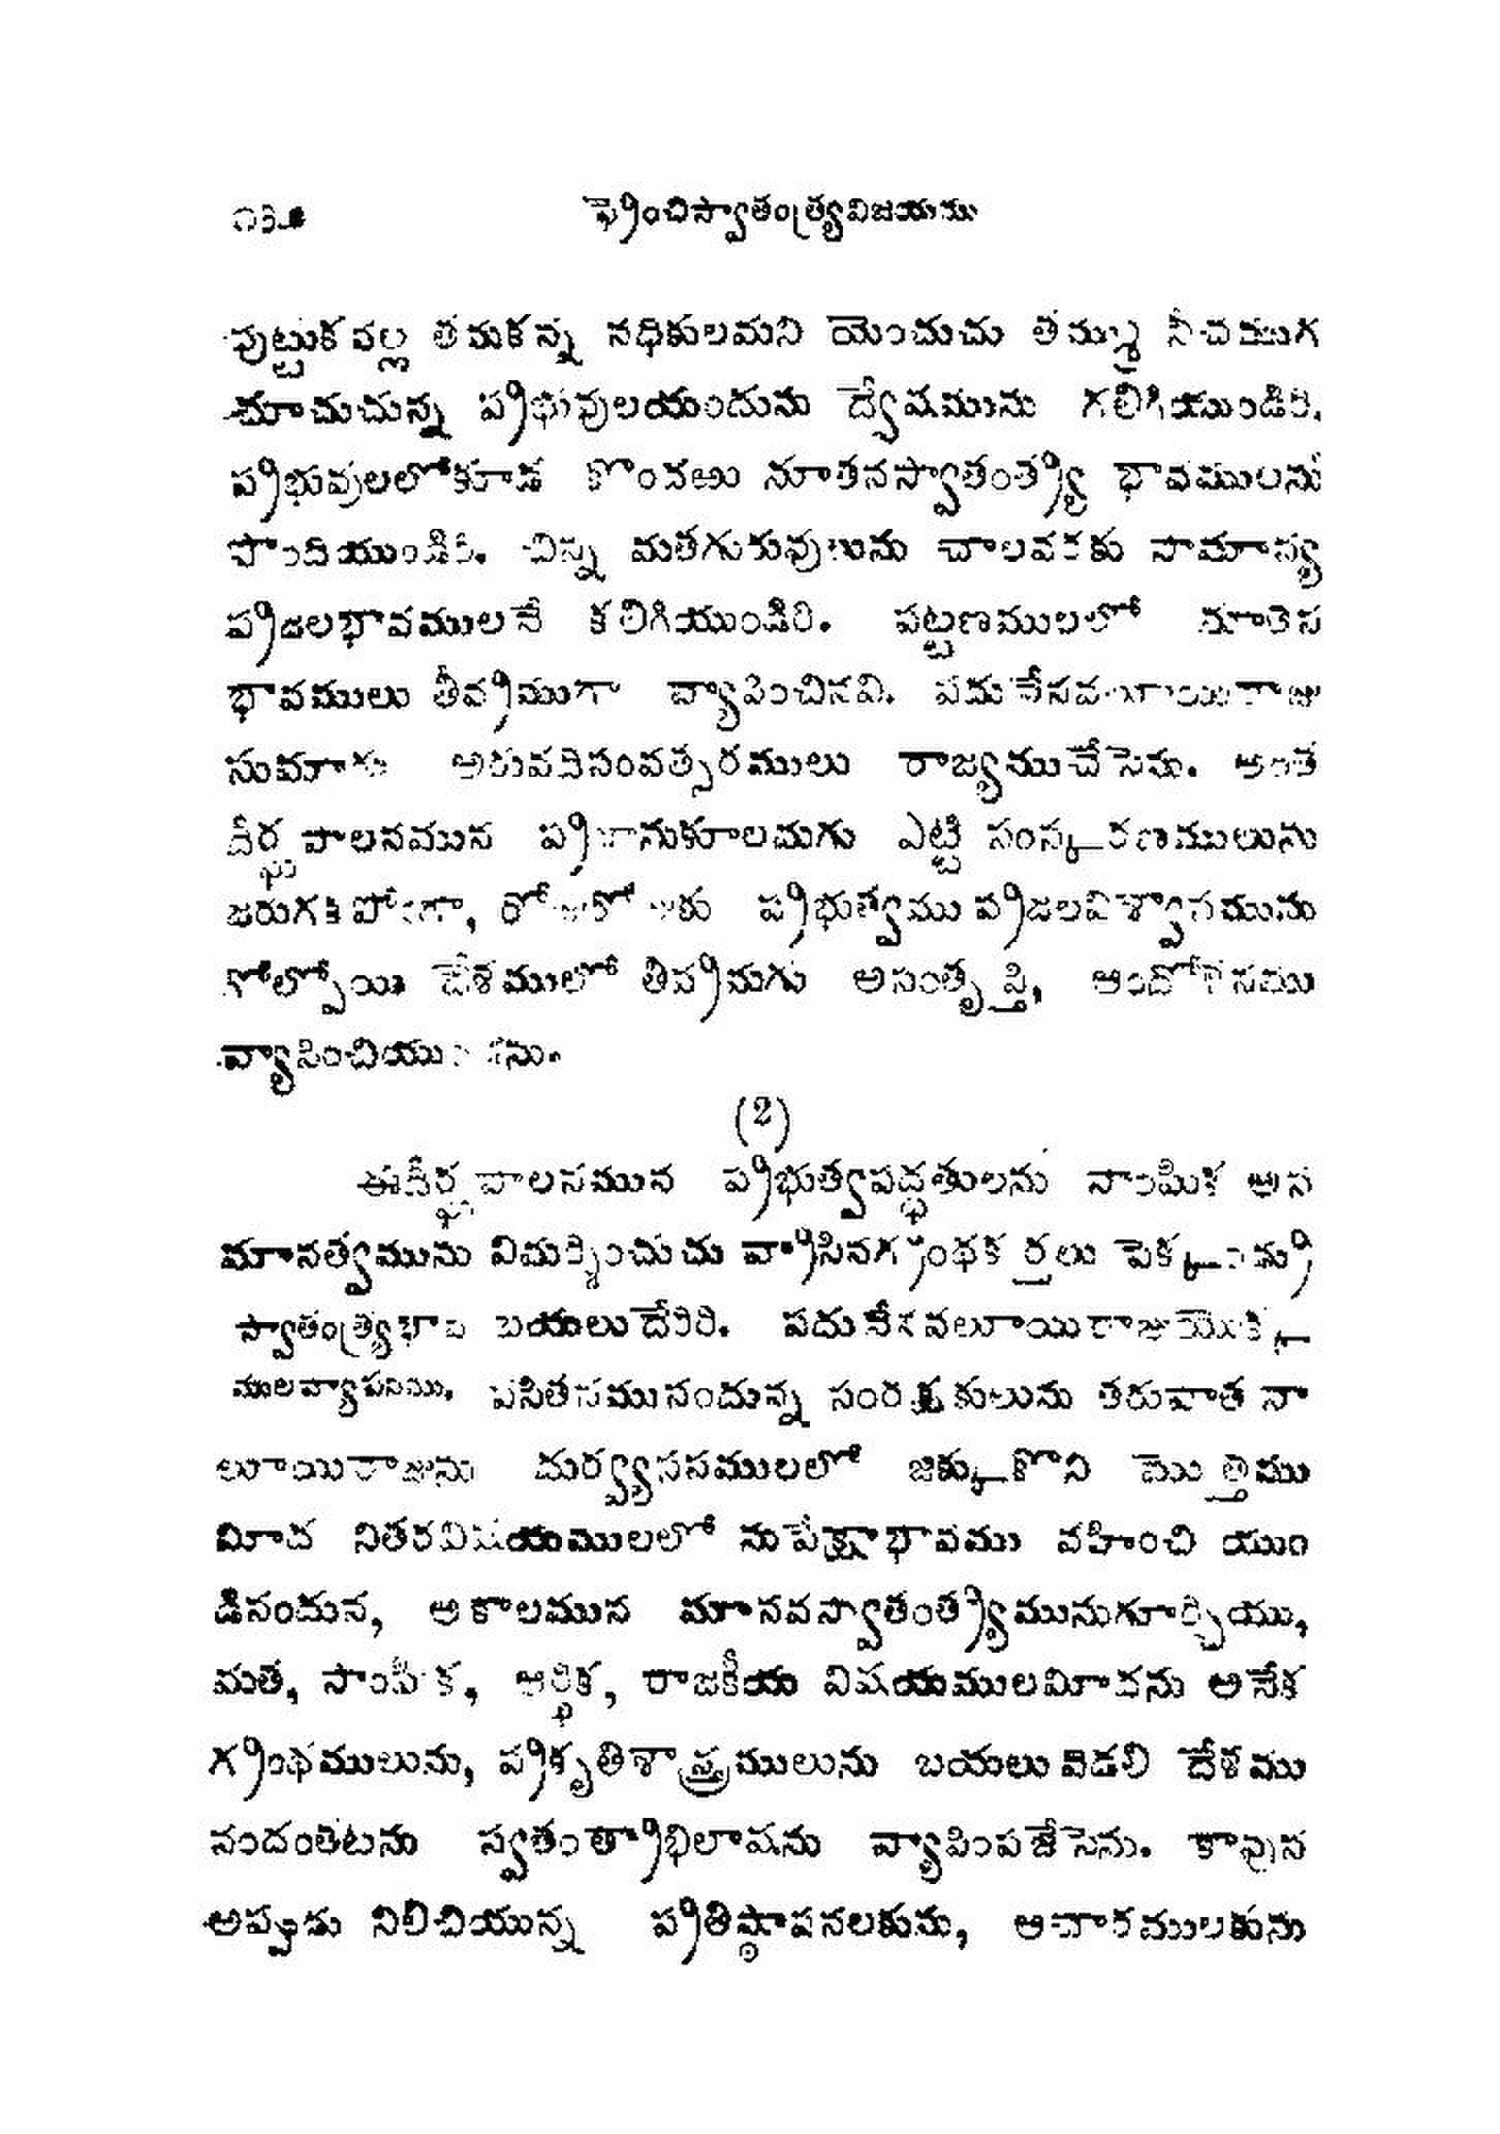పుట్టుక వల్ల తమకన్న నధికులమనీ యెంచుచు తమ్మునీచముగ
చూచుచున్న ప్రభువులయందును ద్వేషమును గలియుండి రి'.
ప్రభువులలో కూడ కొందఱు నూతన స్వాతంత్య భావములను
పొంది యుండిరి. చిన్న మతగురువులను చాలవరకు సామాన్య
ప్రజలభావములనే కలిగియుండిరి. పట్టణములలో మారిన
భావములు తీవ్రముగా వ్యాపించినవి. పదు నేసవలూయి రాజు
సుమారు అరువది సంవత్సరములు రాజ్యము చేసెను. అంత
దీర్ఘ పాలనమున ప్రాజానుకూలముగు ఎట్టి సంస్కరణములును
జరుగక పోగా, రోజురోజుకు ప్రభుత్వము ప్రజలు విశ్వాసమును
కోల్పోయి దేశములో తివ్రమగు అసంతృప్తి, ఆందోళనము
వ్యాపించి యుండెసు.

స్వాతంత్ర్యభా
వములవ్యా పనము

ఈ దీర్ఘ కాలసమున ప్రభుత్వపద్దతులను సాంఘిక అస
మానత్వమును విమర్సించుచు వ్రాసినగ్రంథకర్తలు పెక్కడ్రు
బయలు దేరిరి. పదునేడవ లూయి రాజు యొక్క
పసితనము నందున్న సంరక్షకులును తరువాత నా
లూ యీ రాజును దుర్వ్యసనములలో జక్కుకొని మొత్తము
మీద నితర విషయములలో సుపేక్షా భావము వహించి యుం
డినందున, అకాలమున మానవ స్వాతంత్యమునుగూర్చియు,
మత, సాంపిక, ఆర్థిక, రాజకీయ విషయములమీదను అనేక
గ్రంథములును, ప్రకృతిశాస్త్రములును బయలు విడలి దేశము
నందంతటను స్వతంత్రోభిలాషను వ్యాపింపజేసెను. కావున
అప్పుడు నిలిచియున్న ప్రతిష్ఠాపనలకును, ఆచారములకును